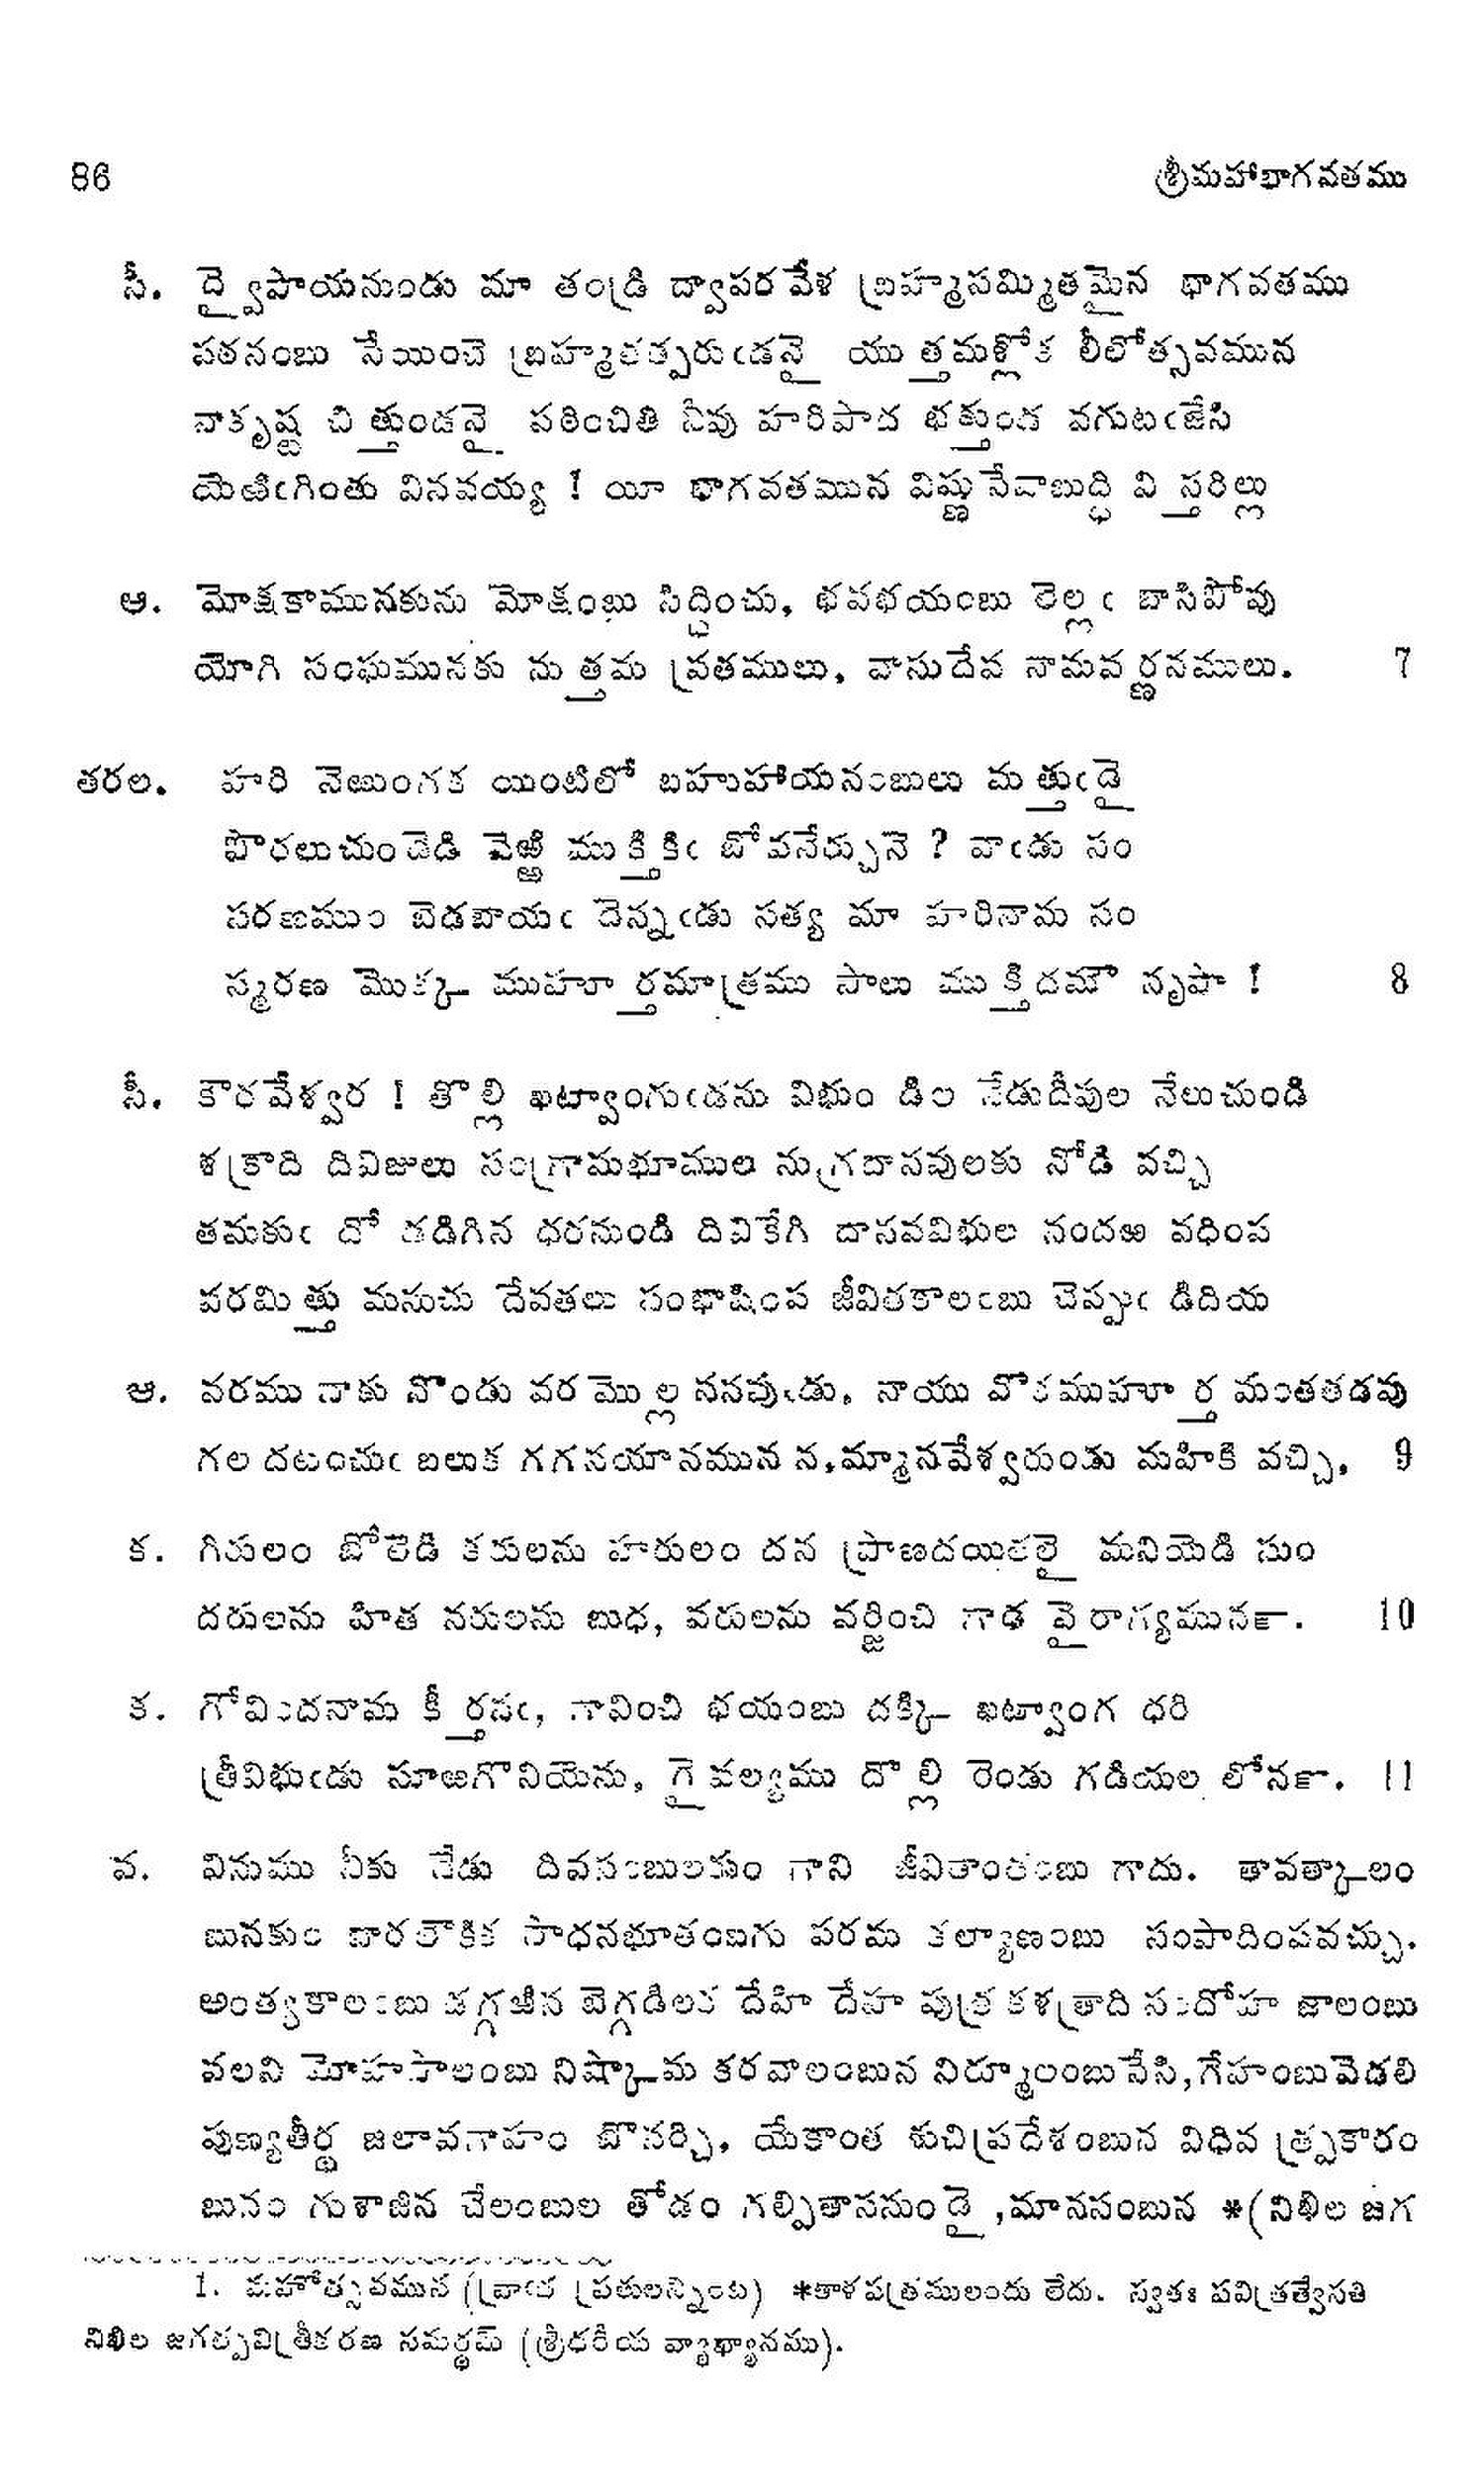86

సీ. ద్వైపాయనుండు మా | తండ్రి ద్వాపరవేళ, బ్రహ్మసమ్మితమైన | భాగవతము

పఠనంబు సేయించె | బ్రహ్మతత్పరుఁడనై, యుత్తమశ్లోక లీ | లోత్సవమున

నాకృష్ణ చిత్తుండ | నై పఠించితి నీవు, హరిపాద భక్తుండ | వగుటఁజేసి

యెఱిఁగింతు వినవయ్య ! యీ భాగవతమున. విష్ణుసేవాబుద్ధి | విస్తరిల్లు

ఆ. మోక్షకామునకు | మోక్షంబు సిద్ధించు, భవభయంబు లెల్లఁ | బాసిపోవు

యోగి సంఘమునకు | నుత్తమ వ్రతములు, వాసుదేవ నామ | వర్ణనములు. (7)

తరలము :- హరి నెఱుంగక యింటిలో బహు | హాయనంబులు మత్తుఁడై

పొరలుచుండెడి వెఱ్ఱి ముక్తికిఁ | బోవనేర్చునె ? వాఁడు సం

సరణముం బెడబాయఁ డెన్నఁడు | సత్య మా హరినామ సం

స్మరణ మొక్క ముహూర్తమాత్రము | సాలు ముక్తిదమౌ నృపా ! (8)

సీ. కౌరవేశ్వర ! తొల్లి | ఖట్వాంగుఁడును విభుం, డిల నేడుదీవుల | నేలుచుండి

శక్రాది దివిజులు | సంగ్రామ భూముల, నుగ్రదానవులకు | నోడి వచ్చి

తమకుఁ దో డడిగిన | ధరనుండి దివికేఁగి, దానవ విభుల నం | దఱ వధింప

వరమిత్తు మనుచు దే | వతలు సంభాషింప, జీవితకాలంబు | చెప్పుఁ డిదియ

ఆ. వరము నాకు నొండు వరమొల్ల ననవుఁడు, నాయువొక ముహూర్త | మంత తడవు

గల దటంచుఁ బలుక గగనయానమున న, మ్మానవేశ్వరుండు మహికి వచ్చి . (9)

క. గిరులం బోలెడి కరులను హరులం దన ప్రాణదయితలై | మనియెడి సుం

దరులను హిత నరులను బుధ, వరులను వర్జించి గాఢ | వైరాగ్యమునన్. (10)

క. గోవిందనామ కీర్తనఁ గావించి భయంబు దక్కి | ఖట్వాంగ ధరి

త్రీ విభుఁడు సూఱగొనియెను, గైవల్యము దొల్లి రెండు | గడియల లోనన్. (11)

వ. వినుము నీకు దినసంబులకుం గాని జీవితాంతంబు గాదు. తావత్కాలంబునకుం బారలౌకిక సాధనభూతంబగు పరమకల్యాణంబు సంపాదింపవచ్చు. అంత్యకాలంబు 

డగ్గఱిన బెగ్గడిలక దేహి దేహ పుత్ర కళత్రాది సందోహ జాలంబు వలన మోహసాలంబు నిస్కామకరవాలంబున నిర్మూలంబు సేసి, గేహంబువెడలి పుణ్యతీర్థ జలావగాహం 

బొనర్చి, యేకాంత శుచిప్రదేశంబున విధివ త్ప్రకారంబునం గుశాజిన చేలంబుల తోడం గల్పితాసనుండై, మానసంబున * ( నిఖిల జగ